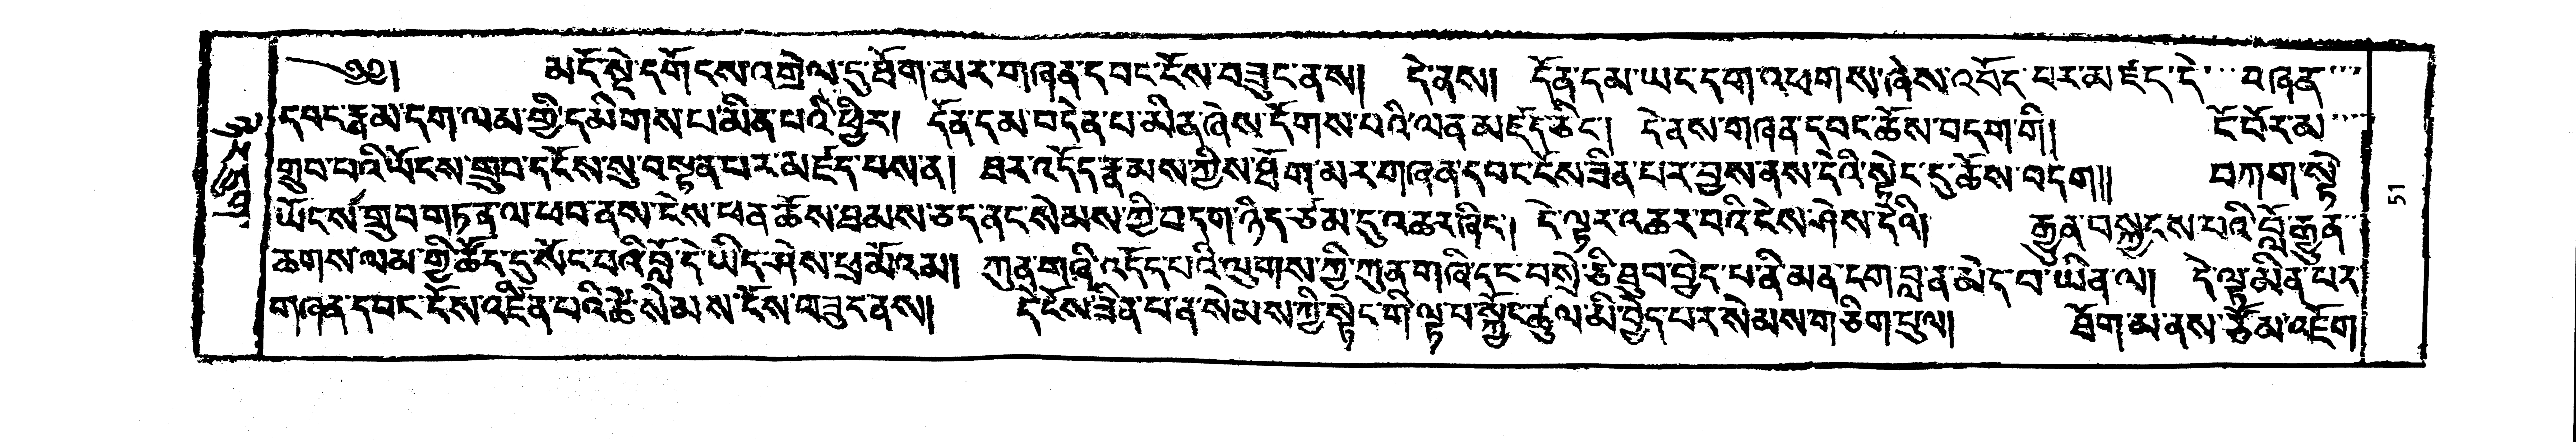༄༅། །མདོ་སྡེ་དགོངས་འགྲེལ་དུ་ཐོག་མར་གཞན་དབང་ངོས་བཟུང་ནས། དེ་ནས། དོན་དམ་ཡང་དག་འཕགས་ཞེས་འབོད་པར་མཛད་དེ་བཞན་
དབང་རྣམ་དག་ལམ་གྱི་དམིགས་པ་མིན་པའི་ཕྱིར། དོན་དམ་བདེན་པ་མིན་ཞེས་དོགས་པའི་ལན་མཛད་ཅིང་། དེ་ནས་གཞན་དབང་ཆོས་བདག་གི །ངོ་བོར་མ་
གྲུབ་པའི་ཡོངས་གྲུབ་དངོས་སུ་བསྟན་པར་མཛད་པས་ན། ཐར་འདོད་རྣམས་ཀྱིས་ཐོག་མར་གཞན་དབང་ངོས་ཟིན་པར་བྱས་ནས་དེའི་སྟེང་དུ་ཆོས་བདག །བཀག་སྟེ་
ཡོངས་གྲུབ་གཏན་ལ་ཕབ་ནས་ངེས་ཕན་ཆོས་ཐམས་ཅད་ནང་སེམས་ཀྱི་བདག་ཉིད་ཙམ་དུ་འཆར་ཞིང་། དེ་ལྟར་འཆར་བའི་ངེས་ཤེས་དེའི། རྒྱུན་བསྐྱངས་པའི་བློ་རྒྱུན་
ཆགས་ལམ་གྱི་ཚོང་དུ་སོང་བའི་བློ་དེ་ཡིད་ཤེས་ཕྲ་མོའམ། ཀུན་གཞི་འདོད་པའི་ལུགས་ཀྱི་ཀུན་གཞི་དང་བསྲེ་ཅི་ཐུབ་བྱེད་པ་ནི་མན་ངག་བླ་ན་མེད་པ་ཡིན་ལ། དེ་ལྟ་མིན་པར་
གཞན་དབང་ངོས་འཛིན་པའི་ཚེ་སེམས་ངོས་བཟུང་ནས། དེ་ངོས་ཟིན་པ་ན་སེམས་ཀྱི་སྟེང་གི་ལྟ་བ་སྐྱོང་ཚུལ་མི་བྱེད་པར་སེམས་གཅིག་པུ་ལ། ཐོག་མ་ནས་ཙོམ་འཇོག་